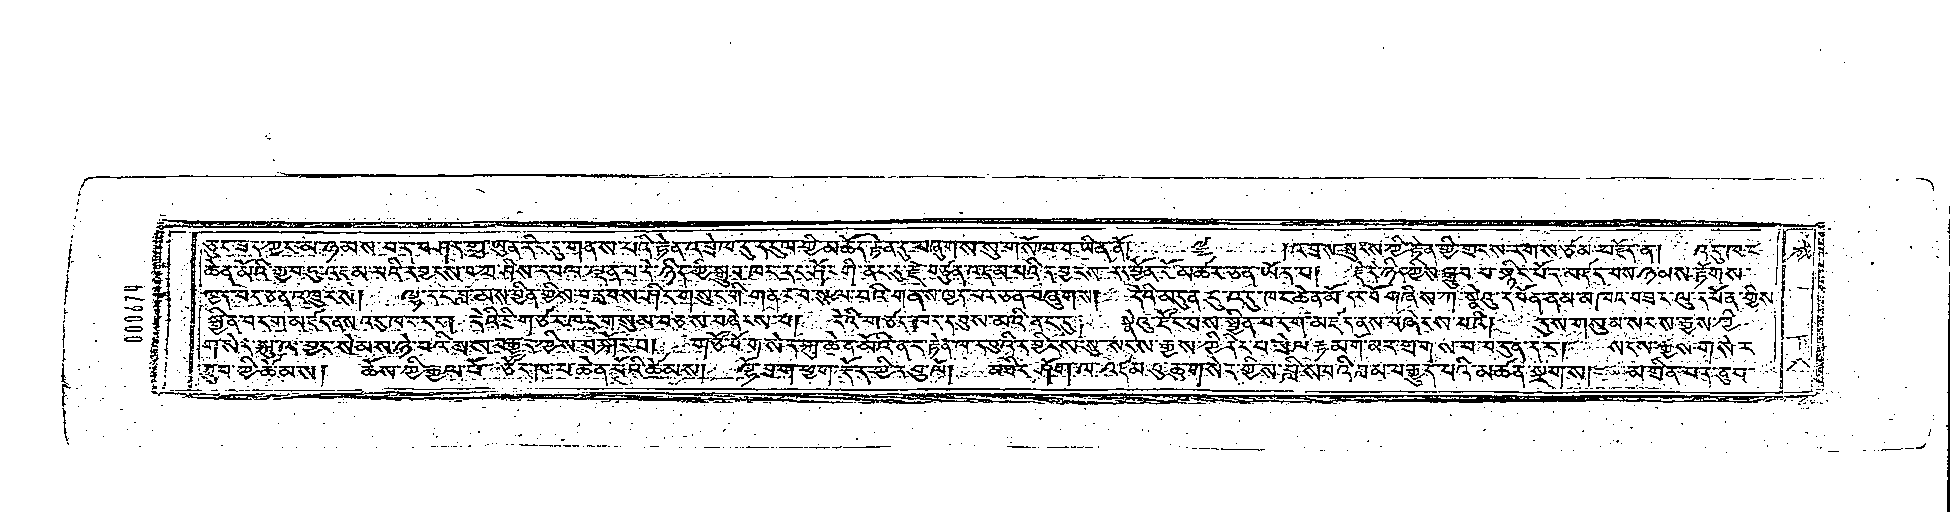ཅུང་ཟད་ཀྱང་མ་ཉམས་པར་བཤད་གྲྭ་ཡུན་རིང་དུ་གནས་པའི་རྟེན་འབྲེལ་དུ་དངུལ་གྱི་མཆོད་རྟེན་དུ་བཞུགས་སུ་གསོལ་བ་ཡིན་ནོ། ༈ །འབྲས་སྤུངས་ཀྱི་རྟེན་གྱི་གྲངས་རགས་ཙམ་བརྗོད་ན། འབུ་ཁང་
ཆེན་མོའི་རྒྱབ་ཏུ་འཇམ་པའི་དབྱངས་བཀྲ་ཤིས་དཔལ་ལྡན་པ་དེ་ཉིད་ཀྱི་སྒྲུབ་ཁང་རང་ཤོང་གི་ནང་དུ་རྗེ་བཙུན་འཇམ་པའི་དབྱངས་རང་བྱོན་ངོ་མཚར་ཅན་ཡོད་པ། རྗེ་དེ་ཉིད་ཀྱིས་སྒྲུབ་པ་སྙིང་པོར་མཛད་པས་ཉམས་རྟོགས་
ཁྱད་པར་ཅན་འཁྲུངས། ལྷ་དང་བླ་མས་བྱིན་གྱིས་བརླབས་ཤིང་གསུང་གི་གནང་བ་སྩལ་བའི་གནས་ཁྱད་པར་ཅན་བཞུགས། དེའི་མདུན་དུ་འདུ་ཁང་ཆེན་མོ་དང་བོ་གཞིས་ཀ་སྣེའུ་དཔོན་ནམ་མཁའ་བཟང་ལུ་དཔོན་གྱིས་
སྦྱིན་བདག་མཛད་ནས་འདུ་ཁང་དང་། དེའི་དྲི་གཙང་ཁང་གསུམ་བཅས་བཞེངས་པ། དེའི་གཙང་ཁང་དབུས་མའི་ནང་དུ། སྣེའུ་ཛོང་པས་སྤྱིན་བདག་མཛད་ནས་བཞེངས་པའི། དུས་གསུམ་སངས་རྒྱས་ཀྱི་
གསེར་སྐུ་ལ་བྱང་སེམས་ཉེ་བའི་སྲས་བརྒྱད་ཀྱིས་བསྐོར་བ། གཙོ་བོ་གསེར་སྐུ་ཆེན་མོའི་ནང་རྟེན་ལ་དབུའི་དབྱིངས་སུ་སངས་རྒྱས་ཀྱི་རིང་བ་སྲེལ་རྟ་མགོ་མར་གྲགས་པ་བདུན་དང་། སངས་རྒྱས་གསེར་
ཐུབ་ཀྱི་ཚེ་མས། ཆོས་ཀྱི་རྒྱལ་པོ་ཙོང་ཁ་པ་ཆེན་པོའི་ཚེམས། ལྷོ་བྲག་ཕྱག་རྡོར་ཀྱི་དབུ་ལོ། མཐིང་ཤོག་ལ་འཛམ་བུ་ཆུ་གསེར་གྱིས་བློས་པའི་བླ་མ་བརྒྱུད་པའི་མཚན་སྔགས། མགྲིན་པར་ནུབ་